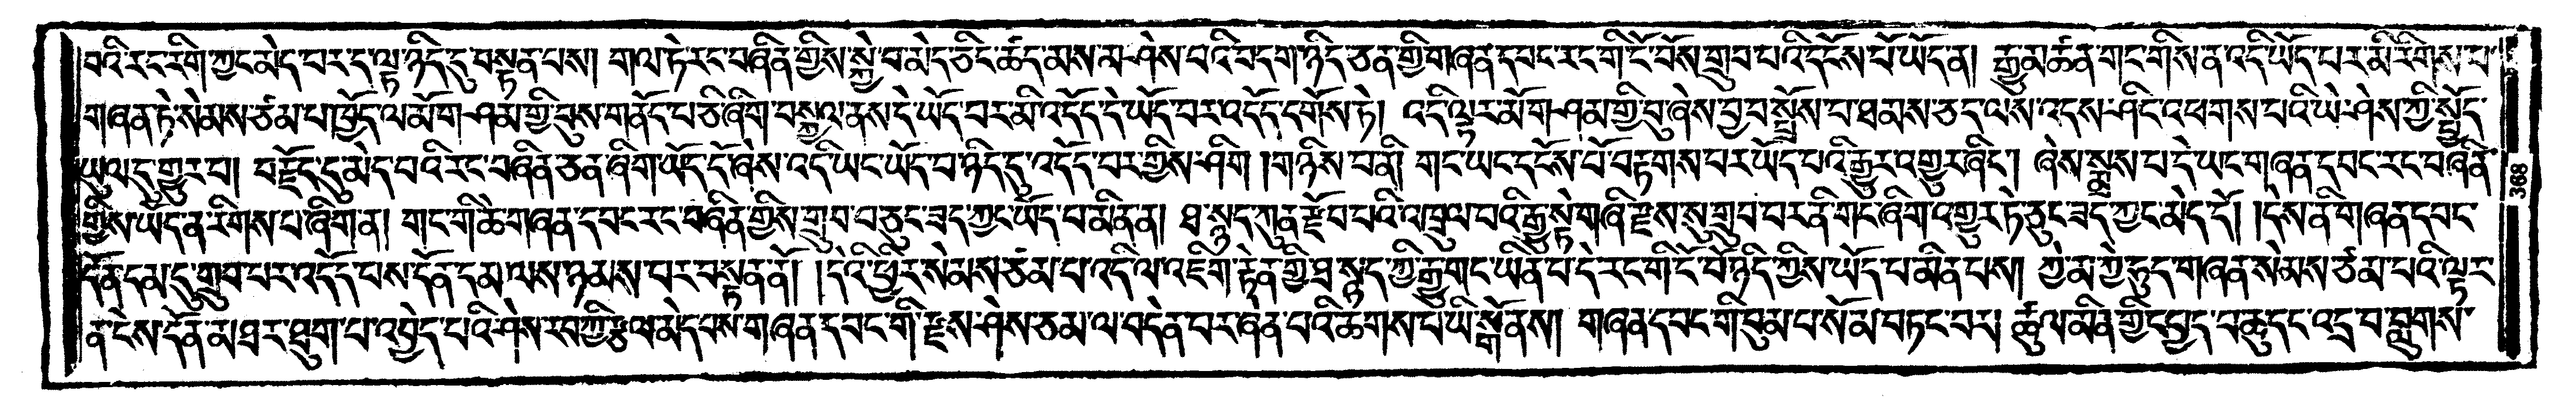བའི་རང་རིག་ཀྱང་མེད་པར་ད་ལྟ་ཉིད་དུ་བསྟན་པས། གལ་ཏེ་རང་བཞིན་གྱིས་སྐྱེ་བ་མེད་ཅིང་ཚད་མས་མ་ཤེས་པའི་བདག་ཉིད་ཅན་གྱི་གཞན་དབང་རང་གིས་ངོ་བོས་གྲུབ་པའི་དངོས་པོ་ཡོད་ན། རྒྱུ་མཚན་གང་གིས་ན་འདི་ཡོད་པར་མི་རིགས་པ་
གཞན་ཏེ་སེམས་ཙམ་པ་ཁྱོད་ལ་མོ་གཤམ་གྱི་བུས་གནོད་པ་ཅི་ཞིག་བསྐྱལ་ནས་དེ་ཡོད་པར་མི་འདོད་དེ་ཡོད་པར་འདོད་དགོས་ཏེ། འདི་ལྟར་མོ་གཤམ་གྱི་བུ་ཞེས་བྱ་བ་སྤྲོས་པ་ཐམས་ཅད་ལས་འདས་ཤིང་འཕགས་པའི་ཡེ་ཤེས་ཀྱི་སྤྱོད་
ཡུལ་དུ་གྱུར་པ། བརྗོད་དུ་མེད་པའི་རང་བཞིན་ཅན་ཞིག་ཡོད་དོ་ཞེས་འདི་ཡང་ཡོད་པ་ཉིད་དུ་འདོད་པར་གྱིས་ཤིག །གཉིས་པ་ནི། གང་ཡང་དངོས་པོ་བརྟགས་པར་ཡོད་པའི་རྒྱུར་འགྱུར་ཞིང་། ཞེས་སྨྲས་པ་དེ་ཡང་གཞན་དབང་རང་བཞིན་
གྱིས་ཡོད་ན་རིགས་པ་ཞིག་ན། གང་གི་ཚེ་གཞན་དབང་རང་བཞིན་གྱིས་གྲུབ་པ་ཅུང་ཟད་ཀྱང་ཡོད་པ་མིན་ན། ཐ་སྙད་ཀུན་རྫོབ་པའི་འཁྲུལ་པའི་རྒྱུ་སྟེ་གཞི་རྫས་སུ་གྲུབ་པར་ནི་གང་ཞིག་འགྱུར་ཏེ་ཅུང་ཟད་ཀྱང་མེད་དོ། །དེས་ནི་གཞན་དབང་
དོན་དམ་དུ་གྲུབ་པར་འདོད་པས་དོན་དམ་ལས་ཉམས་པར་བསྟན་ནོ། །དེའི་ཕྱིར་སེམས་ཙམ་པ་འདི་ལ་འཇིག་རྟེན་གྱི་ཐ་སྙད་ཀྱི་རྒྱུ་གང་ཡིན་པ་དེ་རང་གི་ངོ་བོ་ཉིད་ཀྱིས་ཡོད་པ་མིན་པས། ཀྱེ་མ་ཀྱེ་ཧུད་གཞན་སེམས་ཙམ་པའི་ལྟར་
ན་ངེས་དོན་མཐར་ཐུག་པ་འབྱེད་པའི་ཤེས་རབ་ཀྱི་རྩལ་མེད་པས་གཞན་དབང་གི་རྫས་ཤེས་ཙམ་ལ་བདེན་པར་ཞེན་པའི་ཆགས་པ་ཡི་སྒོ་ནས། གཞན་དབང་གི་བུམ་པ་སོ་མ་བཏང་བར། ཚུལ་མིན་གྱི་དཔྱད་པ་ཆུ་དང་འདྲ་བ་བླུགས་